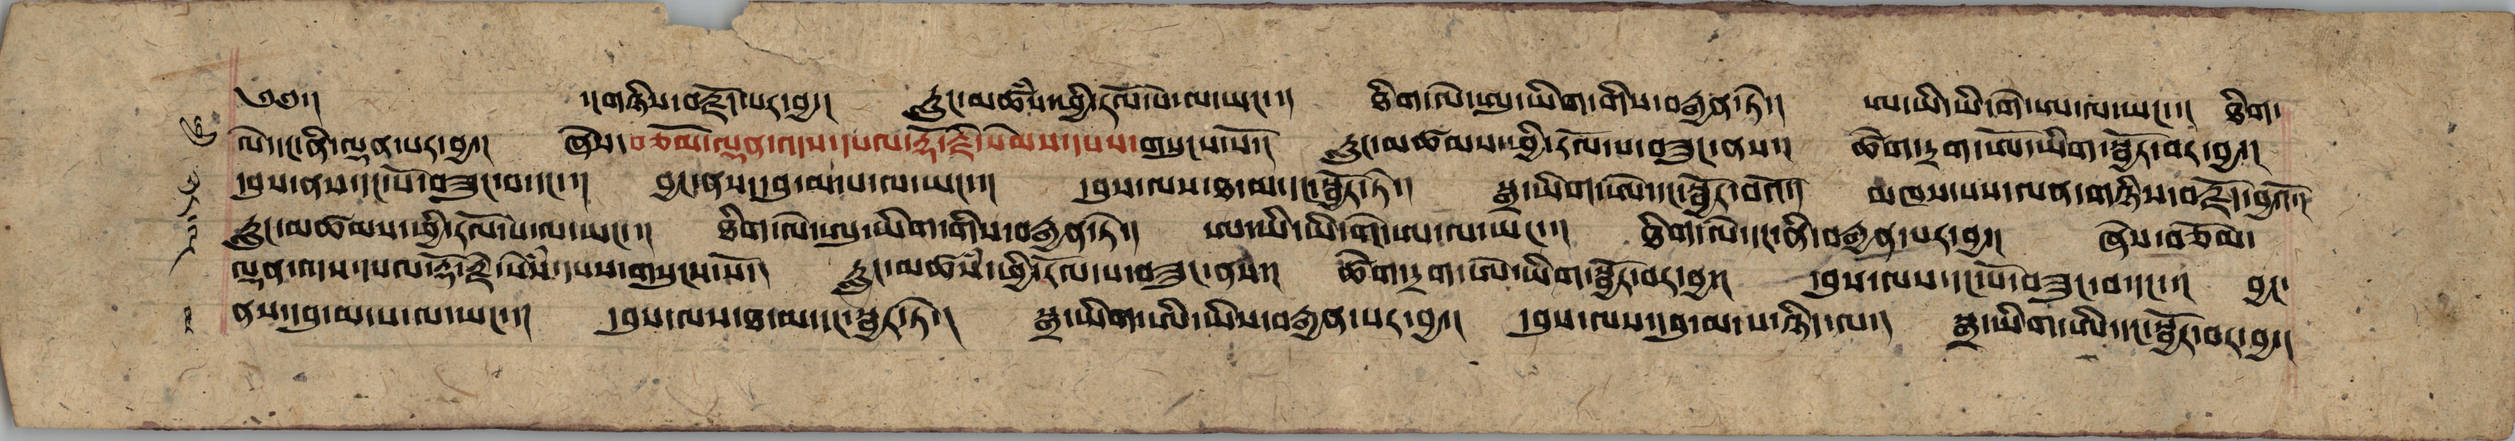༄༅་། ་།གཉིས་བརྗོད་པར་བྱ་། རླུང་མཚཾས་ཕྱི་རོལ་པ་ལ་ཡང་་། ཐིག་ལེ་ཨུ་ཡིག་གིས་བརྒྱན་ཏེ་། ཨ་ཡི་ཡི་གེ་ཨ་ལ་ཡང་་། ཐིག་
ལེ་དང་ནི་ལྡན་པར་བྱ་། ཞེས་བཅོམ་ལྡན་འདས་དཔལ་རྡོ་རྗེ་སེམས་དཔས་གསུངས་སོ་། རླུང་མཚམས་ཕྱི་རོལ་པ་བཟུང་ནས་། ཚེག་དྲག་ཨོ་ཡིག་སྦྱོར་བར་བྱ་།
དབུས་ནས་དང་པོ་བཟུང་བ་དང་་། བྱང་ནས་དབུ་མ་པ་ལ་ཡང་་། དབུས་ལས་ཐ་མ་དང་སྦྱོར་ཏེ་། སྒྲ་ཡིག་ཨེ་དང་སྦྱོར་བའོ། མཁས་པས་ལན་གཉིས་བརྗོད་བྱའོ་།
རླུང་མཚམས་ཕྱི་རོལ་པ་ལ་ཡང་་། ཐིག་ལེ་ཨུ་ཡིག་གིས་བརྒྱན་ཏེ་། ཨ་ཡི་ཡི་གེ་ཨ་ལ་ཡང་་། ཐིག་ལེ་དང་ནི་བརྒྱན་པར་བྱ་། ཞེས་བཅོམ་
ལྡན་འདས་དཔལ་རྡོ་རྗེ་སེཾས་དཔས་གསུངས་སོ་། རླུང་མཚཾས་ཕྱི་རོལ་པ་བཟུང་ནས་། ཚེག་དྲག་ཨེ་ཡིག་སྦྱོར་བར་བྱ་། དབུས་ལས་དང་པོ་བཟུང་བ་དང་། བྱང་
ནས་དབུ་མ་པ་ལ་ཡང་་། དབུས་ལས་ཐ་མ་དང་སྦྱར་ཏེ་། སྒྲ་ཡིག་ཨི་ཡིས་བརྒྱན་པར་བྱ་། དབུས་ལས་དབུ་མ་པ་ཉིད་ལ་། སྒྲ་ཡིག་ཨི་དང་སྦྱོར་བར་བྱ་།